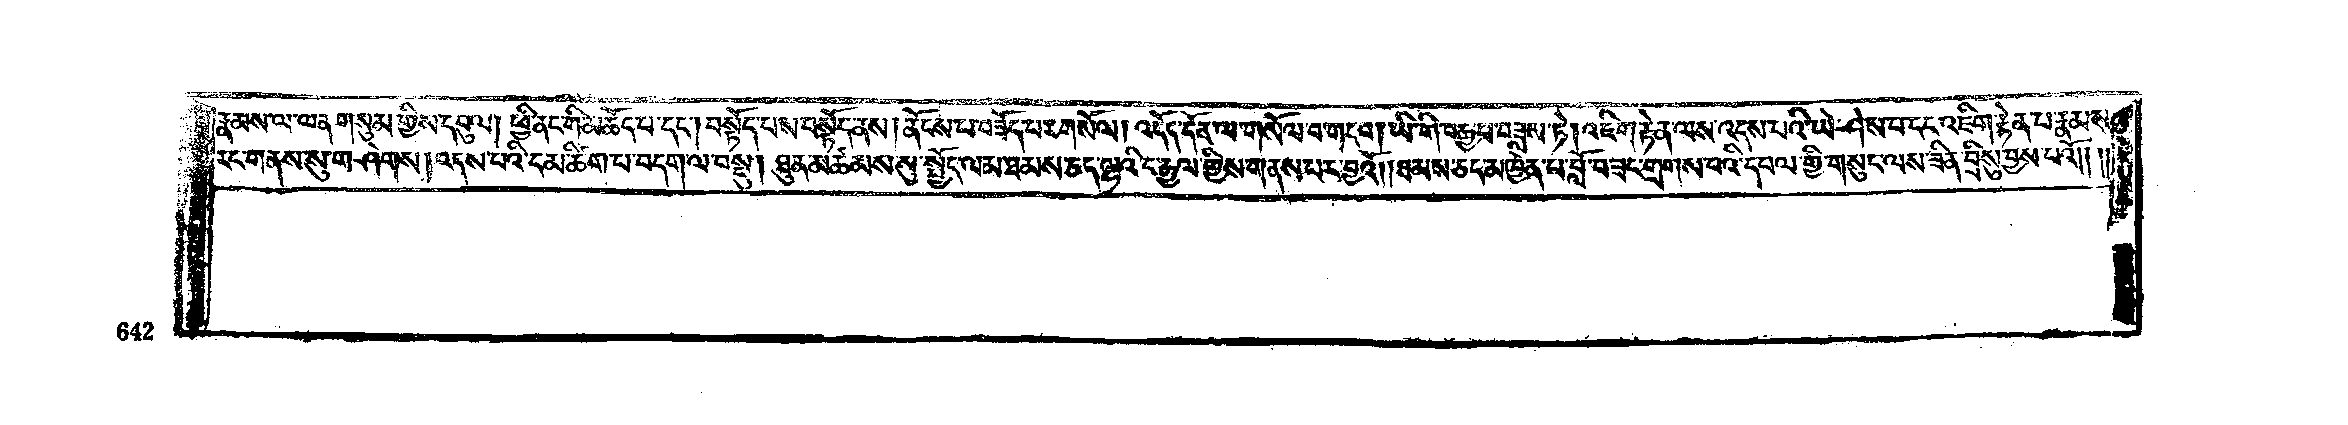རྣམས་ལ་ལན་གསུམ་གྱིས་དབུལ། ཕྱི་ནང་གི་མཆོད་པ་དང་། བསྟོད་པས་བསྟོད་ནས། ནོངས་པ་བཟོད་པར་གསོལ། འདོད་དོན་ལ་གསོལ་བ་གདབ། ཡི་གི་བརྒྱ་པ་བཟླས་ཏེ། འཇིག་རྟེན་ལས་འདས་པའི་ཡེ་ཤེས་པ་དང་འཇིག་རྟེན་པ་རྣམས་
རང་གནས་སུ་གཤེགས། འདས་པའི་དམ་ཚིག་པ་བདག་ལ་བསྡུ། ཐུན་མཚམས་སུ་སྤྱོད་ལམ་ཐམས་ཅད་ལྷའི་ང་རྒྱལ་གྱིས་གནས་པར་བྱའོ། །ཐམས་ཅད་མཁྱེན་པ་བློ་བཟང་གྲགས་པའི་དཔལ་གྱི་གསུང་ལས་ཟིན་བྲིས་སུ་བྱས་པའོ།། །།